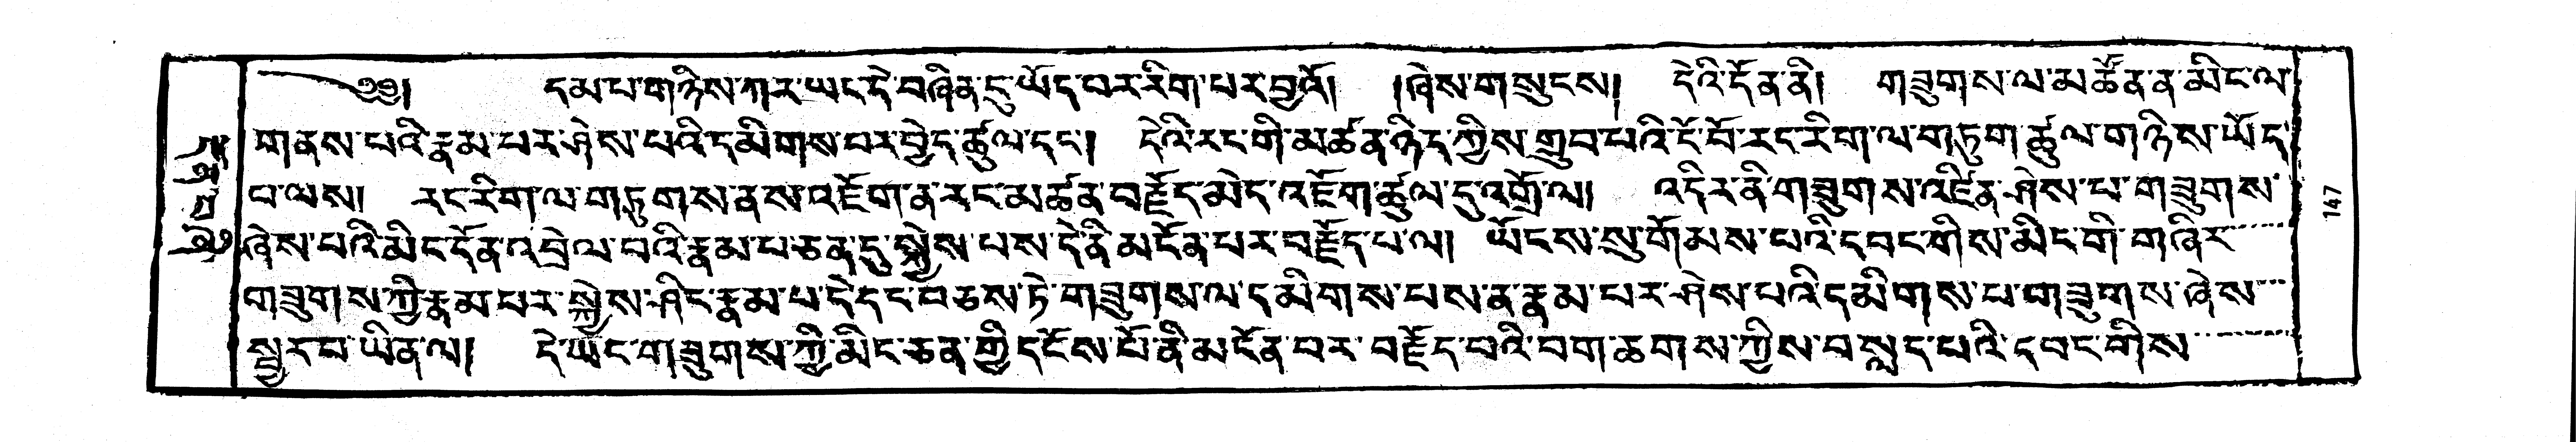༄༅། །དམ་པ་གཉིས་ཀར་ཡང་དེ་བཞིན་དུ་ཡོད་པར་རིག་པར་བྱའོ། །ཞེས་གསུངས། དེའི་དོན་ནི། གཟུགས་ལ་མཚོན་ན་མིང་ལ་
གནས་པའི་རྣམ་པར་ཤེས་པའི་དམིགས་པར་བྱེད་ཚུལ་དང་། དེའི་རང་གི་མཚན་ཉིད་ཀྱིས་གྲུབ་པའི་ངོ་བོ་རང་རིག་ལ་གཏུག་ཚུལ་གཉིས་ཡོད་
པ་ལས། རང་རིག་ལ་གཏུགས་ནས་འཇོག་ན་རང་མཚན་བརྗོད་མེད་འཇོག་ཚུལ་དུ་འགྲོ་ལ། འདིར་ནི་གཟུགས་འཛིན་ཤེས་པ་གཟུགས་
ཞེས་པའི་མིང་དོན་འབྲེལ་བའི་རྣམ་པ་ཅན་དུ་སྐྱེས་པས་དེ་ནི་མངོན་པར་བརྗོད་པ་ལ། ཡོངས་སུ་གོམས་པའི་དབང་གིས་མིང་གི་གཞིར་
གཟུགས་ཀྱི་རྣམ་པར་སྐྱེས་ཤིང་རྣམ་པ་དེ་དང་བཅས་ཏེ་གཟུགས་ལ་དམིགས་པས་ན་རྣམ་པར་ཤེས་པའི་དམིགས་པ་གཟུགས་ཞེས་
སྦྱར་བ་ཡིན་ལ། དེ་ཡང་གཟུགས་ཀྱི་མིང་ཅན་གྱི་དངོས་པོ་ནི་མངོན་པར་བརྗོད་པའི་བག་ཆགས་ཀྱིས་བསླད་པའི་དབང་གིས་